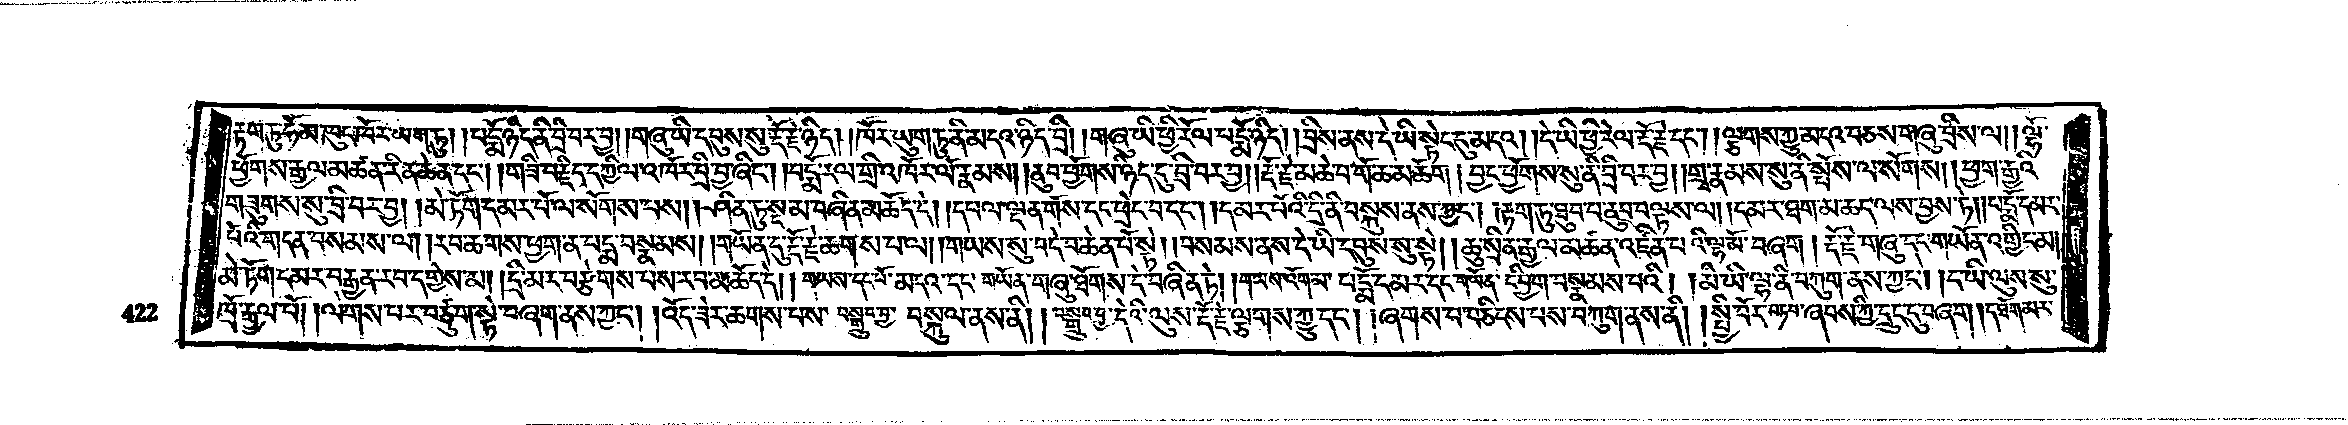རྟག་ཏུ་ཧོམ་ཁུང་ཁོར་ཡག་ཏུ། །པདམོ་ཉིད་ནི་བྲི་བར་བྱ། །གཞུ་ཡི་དབུས་སུ་རྡོ་རྗེ་ཉིད། །ཁོར་ཡུག་ཏུ་ནི་མདའ་ཉིད་བྲི། །གཞུ་ཡི་ཕྱི་རོལ་པདམོ་ཉིད། །བྲིས་ནས་དེ་ཡི་སྟེང་དུ་མདའ། །དེ་ཡི་ཕྱི་རོལ་རྡོ་རྗེ་དང་། །ལྕགས་ཀྱུ་མདའ་བཅས་གཞུ་བྲིས་ལ། །ལྷོ་
ཕྱོགས་རྒྱལ་མཚན་རིན་ཆེན་དང་། །གཟི་བརྗིད་དཀྱིལ་འཁོར་བྲི་བྱ་ཞིང་། །པདམོ་རལ་གྲི་འཁོར་ལོ་རྣམས། །ནུབ་ཕྱོགས་ཉིད་དུ་བྲི་བར་བྱ། །རྡོ་རྗེ་མཆེ་བ་གོ་ཆ་མཆོག །བྱང་ཕྱོགས་སུ་ནི་བྲི་བར་བྱ། །གྲྭ་རྣམས་སུ་ནི་སྤོས་ལ་སོགས། །ཕྱག་རྒྱའི་
གཟུགས་སུ་བྲི་བར་བྱ། །མེ་ཏོག་དམར་པོ་ལ་སོགས་པས། །ཤིན་ཏུ་སྔ་མ་བཞིན་མཆོད་དེ། །དཔལ་ལྡན་གོས་དང་ཕྲེང་བ་དང་། །དམར་པོའི་དྲི་ནི་བསྐུས་ནས་ཀྱང་། །རྟག་ཏུ་ཐུབ་པ་ནུབ་བལྟས་ལ། །དམར་ཐག་མ་ཆད་ལས་བྱས་ཏེ། །པདམོ་དམར་
པོའི་གདན་བསམས་ལ། །རབ་ཆགས་ཕྱག་ན་པདམ་བསྣམས། །གཡོན་དུ་རྡོ་རྗེ་ཆགས་པ་ལ། །གཡས་སུ་བདེ་བ་ཆེན་པོ་སྟེ། །བསམས་ནས་དེ་ཡི་དབུས་སུ་སྟེ། །ཆུ་སྲིན་རྒྱལ་མཚན་འཛིན་པའི་ལྷ་མོ་བཞག །རྡོ་རྗེ་གཞུ་དང་གཡོན་འགྱིད་མ།
མེ་ཏོག་དམར་བརྒྱན་རབ་དགྱེས་མ། །དྲི་མར་བརྩེགས་པས་རབ་མཆོད་དེ། །གཡས་དང་པོ་མདའ་དང་གཡོན་གཞུ་ཐོགས་དེ་བཞིན་ཏེ། །གཡས་འོག་མ་པདམོ་དམར་དང་གཡོན་དབྱིག་བསྣམས་པའི། །མེ་ཡི་ལྷ་ནི་བཀུག་ནས་ཀྱང་། །ང་ཡི་ལུས་སུ་
ཁྲོ་རྒྱལ་པོ། །ལེགས་པར་བཙུག་སྟེ་བཞག་ནས་ཀྱང་། །འོད་ཟེར་ཆགས་པས་བསྒྲུབ་བྱ་བསྐུལ་ནས་ནི། །བསྒྲུབ་བྱ་དེའི་ལུས་རྡོ་རྗེ་ལྕགས་ཀྱུ་དང་། །ཞགས་པ་བཅིངས་པས་བཀུག་ནས་ནི། །སྤྱི་བོར་བཏབ་ཞབས་ཀྱི་དྲུང་དུ་བཞག །དེ་ཐོག་མར་